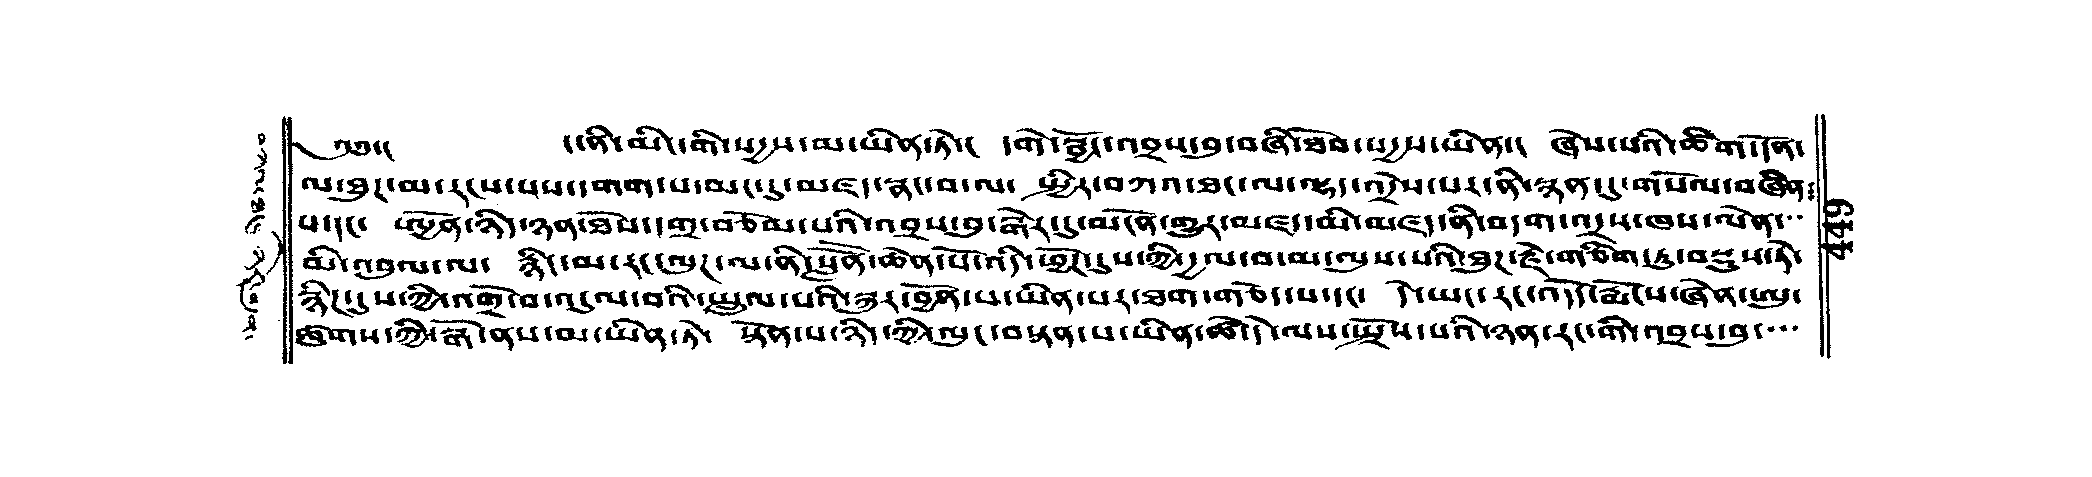ང་ནི་མིང་གི་སངས་རྒྱས་མ་ཡིན་ཏེ། །དགེ་སྦྱོང་འབྲས་བུ་བཞི་ཐོབ་སངས་རྒྱས་ཡིན། ཞེས་པའི་ཚིག་དོན་
ལ་ཐུགས་མ་རངས་པས་དགག་པ་མང་དུ་མཛད་སྣང་བ་ལ། སྤྱིར་བཀའ་ཐང་ལ་ལྷད་འདྲེས་པར་ནི་སྙན་དུ་གསོལ་བཞིན་
པ་དང་། ཨོ་རྒྱན་ཉིད་ཉན་ཐོས་དགྲ་བཅོམ་པའི་འབྲས་བུ་སྒེར་དུ་མངོན་གྱུར་མཛད་མི་མཛད་ནི་བདག་འདྲས་ཁས་ལེན་
མི་འབུལ་ལ། རྙིང་མ་རང་ལུགས་ལ་ནི་སློབ་དཔོན་ཆེན་པོ་འདི་ཕྱོགས་དུས་ཀྱི་རྒྱལ་བ་མ་ལུས་པའི་ཐུགས་རྗེ་གཅིག་ཏུ་བསྡུས་ཏེ་
སྙིགས་དུས་ཀྱི་འགྲོ་བ་འདུལ་བའི་སྤྲུལ་པའི་སྐུར་བྱོན་པ་ཡིན་པར་ཐག་གཅོད་པ་དང་། དེ་ཡང་རང་འདོད་རྨོངས་ཞེན་ཨུ་
ཚུགས་ཀྱི་སྒོ་ནས་མ་ཡིན་ཏེ། སྟོན་པ་ཉིད་ཀྱི་ལུང་བསྟན་པ་ཡིན་ཚེ་དེ་ལས་སྤྲོས་པའི་ཉན་རང་གི་འབྲས་བུ་